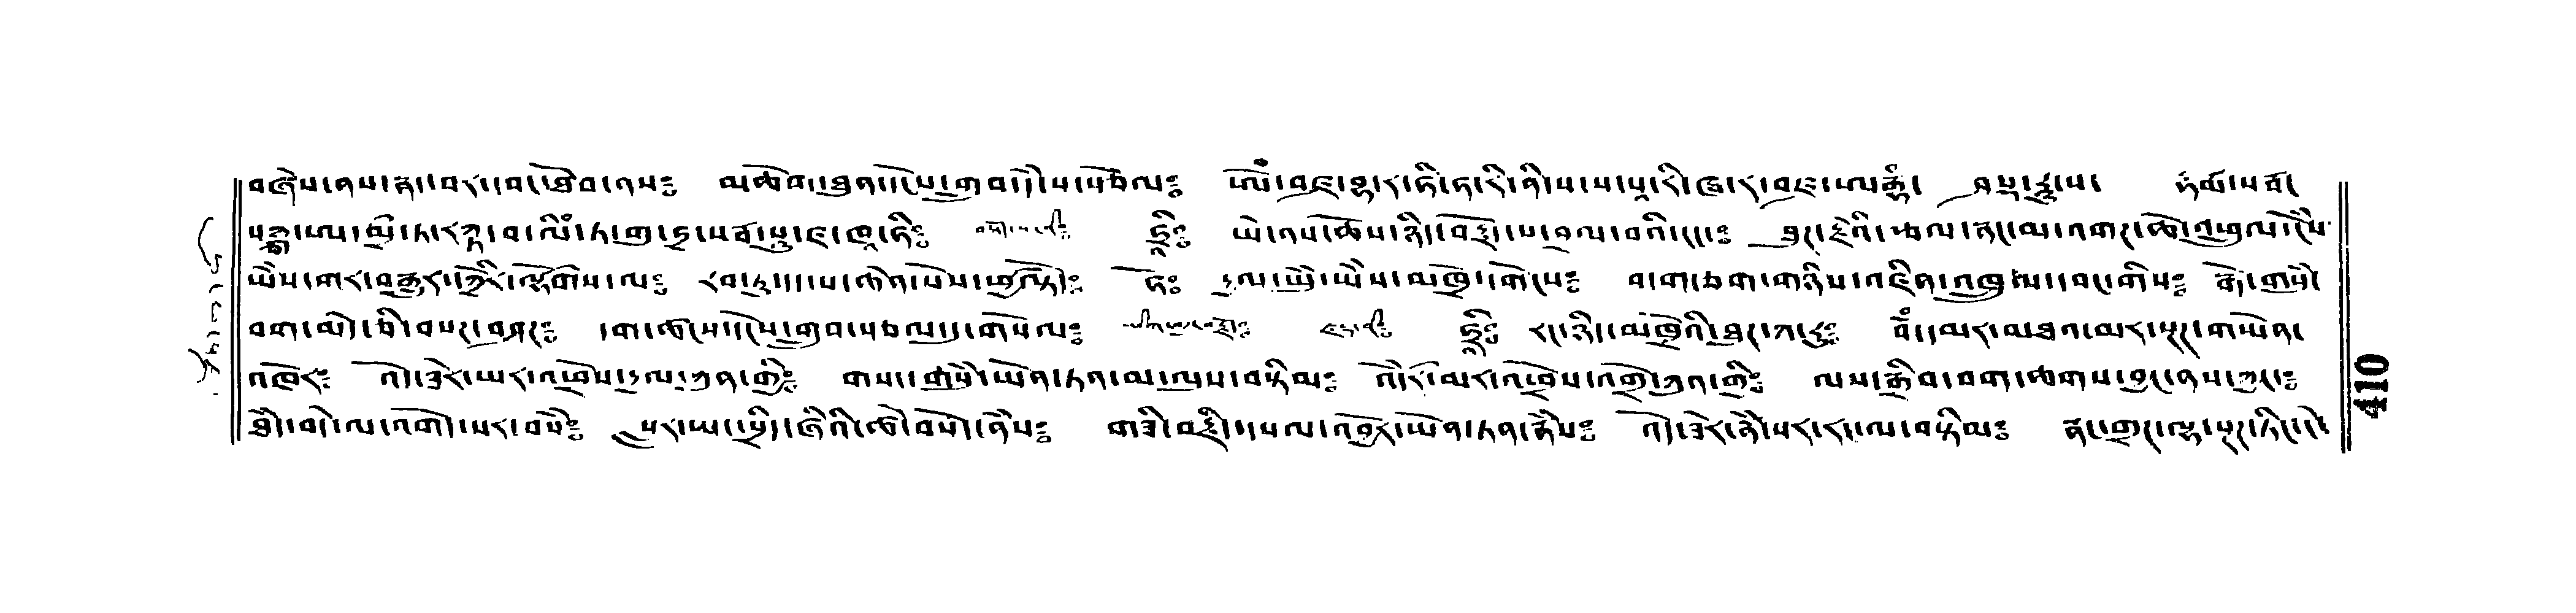བཞེས་ནས་སྣང་བར་དབང་ཐོབ་ནས༔ མཆོག་ཐུན་དངོས་གྲུབ་དམ་པ་སྩོལ༔ ཨོཾ་བཛྲ་བྷ་ར་ཧི་ཧ་རི་ནི་ས་ས་པཱ་རི་ཝ་ར་བཛྲ་ཨརྒྷཾ་སོགས༔ ཤཔྡ་རཱུ་པ་སོགས༔ དྷརྨ་སརྦ་
པཉྩ་ཨ་མྲྀ་ཏ་རཀྟ་བ་ལིཾ་ཏ་གུ་ཧྱ་སརྦ་པཱུ་ཛ་ཁཱ་ཧིཿ བསྟོད་པ་ནི༔ ཧྲཱིཿ ཡེ་ནས་ཆོས་ཉིད་བརྗོད་པ་བྲལ་བའི་ངང༔ ཐུགས་རྗེའི་རྩལ་སྣང་མ་འགགས་ཆོ་འཕྲུལ་ངོམས་༔ 
ཡེ་ཤེས་གར་བསྒྱུར་དཀྱིལ་འཁོར་ལྷ་ཚོགས་ལ༔ རབ་ཏུ་དད་པ་ཆེན་པོས་ཕྱག་འཚལ་བསྟོད༔ ཧོཿ རྒྱལ་ཡུམ་ཡེ་ཤེས་མཁའ་འགྲོ་དགོངས༔ བདག་ཅག་གཉིས་འཛིན་འཁྲུལ་དབང་གིས༔ སྒོ་གསུམ་
བག་མེད་ཅི་བསགས་བཤགས༔ དག་ཚངས་དངོས་གྲུབ་སྩལ་དུ་གསོལ༔ ཡིག་བརྒྱ་བརྗོད༔ འཛབ་ནི༔ ཧྲཱིཿ རང་ཉིད་མཁའ་འགྲོའི་ཐུགས་ཀ་རུ༔ བྃ་དམར་མཐའ་མར་སྔགས་གཡོན་
འཁོར༔ འོད་ཟེར་ཡར་འཕྲོས་རྒྱལ་ཀུན་གྱི༔ གསང་གསུམ་ཡོན་ཏན་མ་ལུས་བསྟིམ༔ འོད་ཟེར་མར་འཕྲོས་འགྲོ་ཀུན་གྱི༔ ལས་སྒྲིབ་བག་ཆགས་བྱང་ནས་ཀྱང༔ 
ཐམས་ཅད་བདེ་ལ་འགོད་པར་བསམ༔ སླར་ཡང་སྲིད་ཞིའི་ཚེ་བསོད་ནམས༔ གཟི་བརྗིད་དཔལ་འབྱོར་ཡོན་ཏན་རྣམས༔ འོད་ཟེར་རྣམ་པར་རང་ལ་བསྟིམ༔ སྣང་གྲགས་ལྷ་སྔགས་ཏིང་ངེ་